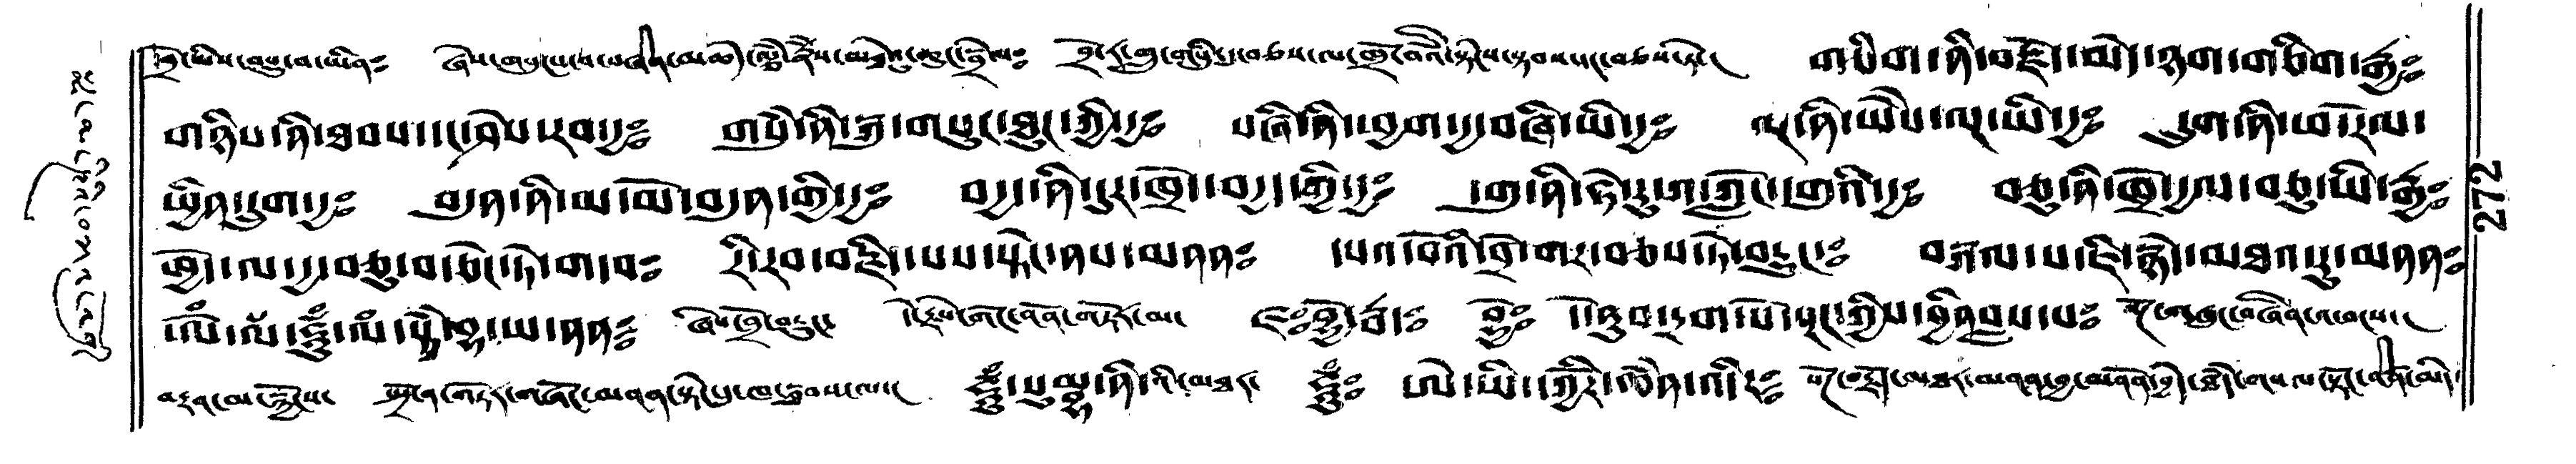བྲོ་ཡིས་བསྡུ་བ་ཡིནཿ ཞེས་གསུངས་པ་བཞིན་མཆེད་ལྕམ་རྣམས་མཐེའུ་ཆུང་སྦྲེལ།བྲོ་ར་གྲུ་གསུམ་དུ་བཅས་ལ་ཁྲོ་བོའི་སྟངས་སྟབས་དང་བཅས་ཏེ། གཅིག་ནི་བརྗོད་མེད་ཉག་གཅིག་རྒྱཿ 
གཉིས་ནི་ཐབས་དང་ཤེས་རབ་རྒྱཿ གསུམ་ནི་སྐུ་གསུང་ཐུགས་ཀྱི་རྒྱཿ བཞི་ནི་ཕྱག་རྒྱ་བཞི་ཡི་རྒྱཿ ལྔ་ནི་ཡེ་ཤེས་ལྔ་ཡི་རྒྱཿ དྲུག་ནི་ཕ་རོལ་
ཕྱིན་དྲུག་རྒྱཿ བདུན་ནི་མ་མོ་བདུན་གྱི་རྒྱཿ བརྒྱད་ནི་དུར་ཁྲོད་བརྒྱད་གྱི་རྒྱཿ དགུ་ནི་ཧེ་རུ་ཀ་ཀློང་དགུའི་རྒྱཿ བཅུ་ནི་ཁྲོ་རྒྱལ་བཅུ་ཡི་རྒྱཿ 
ཁྱོད་ལ་རྒྱ་བཅུས་བཅིངས་ཏེ་གདབཿ རི་རབ་བརྗིད་པས་སྟེང་ནས་མནནཿ དཔའ་བོའི་བྲོ་གར་བཅས་ཏེ་རྡུངཿ བསྐལ་པ་ཇི་སྙེད་མཐའ་རུ་མནནཿ 
ཨོཾ་ལཾ་ཧཱུྃ་ལཾ་སྟྭཾ་བྷ་ཡ་ནནཿ ཞེས་བྲོ་རྡུངས་དེ་རྗེས་གོང་ནོན་གཏོར་མ། ཛཿབྷྱོཿརྦདཿ བྷྱོཿ དོ་ནུབ་དྲག་པོ་སྔགས་ཀྱིས་བྱིན་བརླབས་པཿ སོགས་གཞུང་གཞིན་ཕོངས་
བརྟན་མ་སྐྱོངས། སྤྲོ་ན་གཏོར་གཞོག་མནན་སྟེང་དུ་ཁ་སྦུབས་ལ། ཧཱུྃ་སུམྦྷ་ནི་འི་མཐར་ཧཱུྃཿ ཨེ་ཡི་དཀྱིལ་འཁོར་ཆེན་པོ་འདིར༔ སོགས་བརྗོད་མཐར་མནན་བྱ་གནཽན་བྱེད་ཐམས་ཅད་གསལ་སྟོང་འཛིན་མེད་